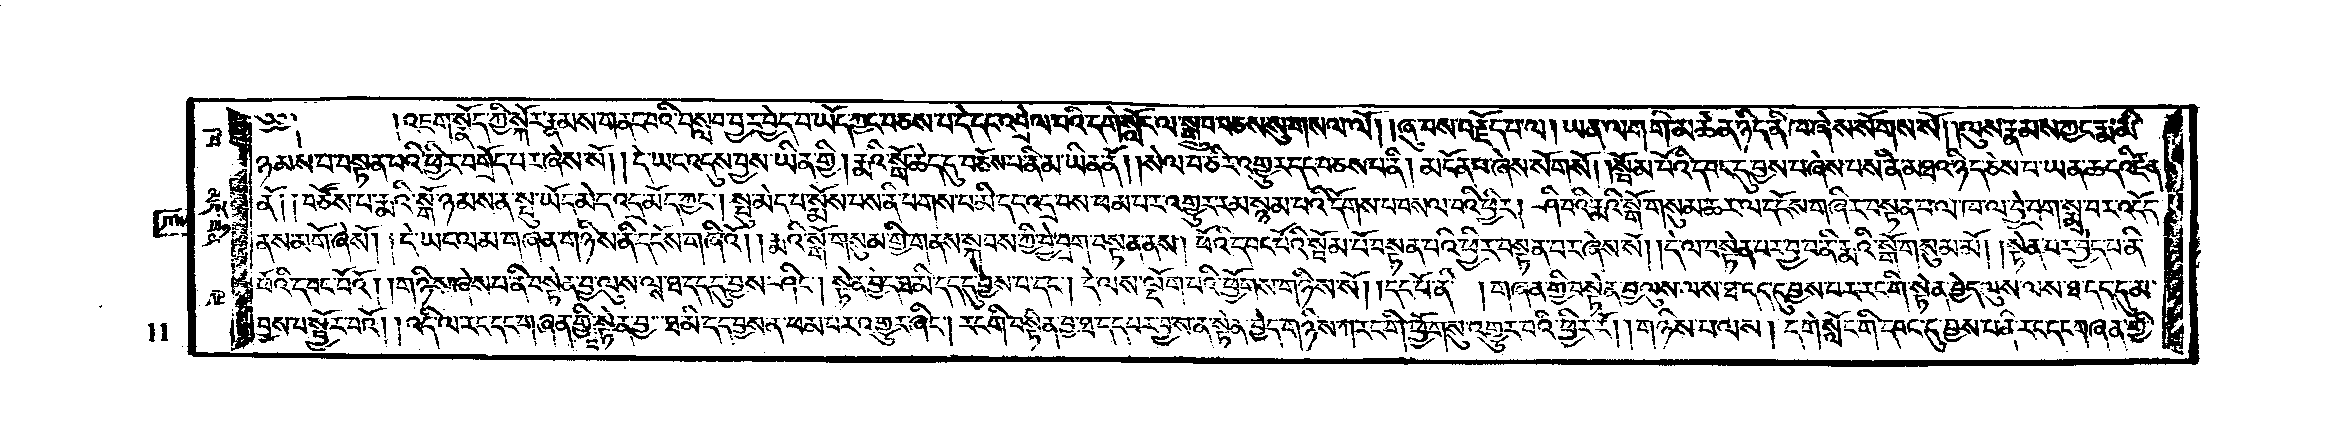༄༅། །འཇག་སྣོད་ཀྱི་སྐོར་རྣམས་གནང་བའི་བསླབ་བྱར་བྱེད་བ་ཡོད་ཀྱང་བཅས་པ་དེ་དང་འབྲེལ་བའི་དགེ་སློང་ལ་སྒྲུབ་བཅས་སུ་གསལ་ལོ། །ཞུ་བས་བརྗོད་པ་ལ། ཡན་ལག་གི་མཚན་ཉིད་ནི་ཁ་ཞེས་སོགས་སོ། །ལུས་རྣམས་ཀྱང་རྨ་མི་
ཉམས་པ་བསྟན་པའི་ཕྱིར་བགྲོད་པར་ཞེས་སོ། །དེ་ཡང་འདུས་བྱས་ཡིན་གྱི། རྨའི་སྒོ་ཆེད་དུ་བཅོས་པ་ནི་མ་ཡིན་ནོ། །སེལ་བ་ཅིར་འགྱུར་དང་བཅས་པ་ནི། མངོན་པ་ཞེས་སོགས་སོ། །སྦོམ་པོའི་དབང་དུ་བྱས་པ་ཞེས་པས་ནི་མཐའ་ཉིད་ཅེས་པ་ཡན་ཆད་འཛིན་
ནོ། །བཅོས་པ་རྨའི་སྒོ་ཉམས་ན་སྤུ་ཡོད་མེད་འདྲ་མོད་ཀྱང་། སྤུ་མེད་པ་སྨོས་པས་ནི་པགས་པ་མི་དང་འདྲ་བས་ཕམ་པར་འགྱུར་རམ་སྙམ་པའི་དོགས་པ་བསལ་བའི་ཕྱིར། ཤི་བའི་རྨའི་སྒོ་གསུམ་ཆར་ལ་དངོས་གཞིར་བསྟན་པ་ལ་ཁ་ལ་བྱེ་བྲག་སྨྲ་བར་འདོད་
ནས་མགོ་ཞེས་སོ། །དེ་ཡང་ལམ་གཞན་གཉིས་ནི་དངོས་གཞིའོ། །རྨའི་སྒོ་གསུམ་གྱི་གནས་སྐབས་ཀྱི་བྱེ་བྲག་བསྟན་ནས། ཕོའི་དབང་པོའི་སྦོམ་པོ་བསྟན་པའི་ཕྱིར་བསྟན་པར་ཞེས་སོ། །དེ་ལ་བསྟེན་པར་བྱ་བ་ནི་རྨའི་སྒོ་གསུམ་མོ། །སྟེན་པར་བྱེད་པ་ནི་
ཕོའི་དབང་པོའོ། །གཉིས་ཞེས་པ་ནི་བསྟེན་བྱ་ལུས་ལས་ཐ་དད་དུ་བྱས་ཤིང་། སྟེན་བྱེད་ཐ་མི་དད་དུ་བྱས་པ་དང་། དེ་ལས་ལྡོག་པའི་ཕྱོགས་གཉིས་སོ། །དང་པོ་ནི། །གཞན་གྱི་བསྟེན་བྱ་ལུས་ལས་ཐ་དད་དུ་བྱས་པར་རང་གི་སྟེན་བྱེད་ལུས་ལས་ཐ་དད་དུ་མ་
བྱས་པ་སྦྱོར་བའོ། །འདི་ལ་རང་དང་གཞན་གྱི་བསྟེན་བྱ་ཐ་མི་དད་བྱས་ན་ཕམ་པར་འགྱུར་ཞིང་། རང་གི་བསྟེན་བྱ་ཐ་དད་པར་བྱས་ན་སྟེན་བྱེད་གཉིས་ཀ་རང་གི་ཕྱོགས་སུ་འགྱུར་བའི་ཕྱིར་རོ། །གཉིས་པ་ལས། དགེ་སློང་གི་དབང་དུ་བྱས་པ་ནི་རང་དང་གཞན་གྱི་